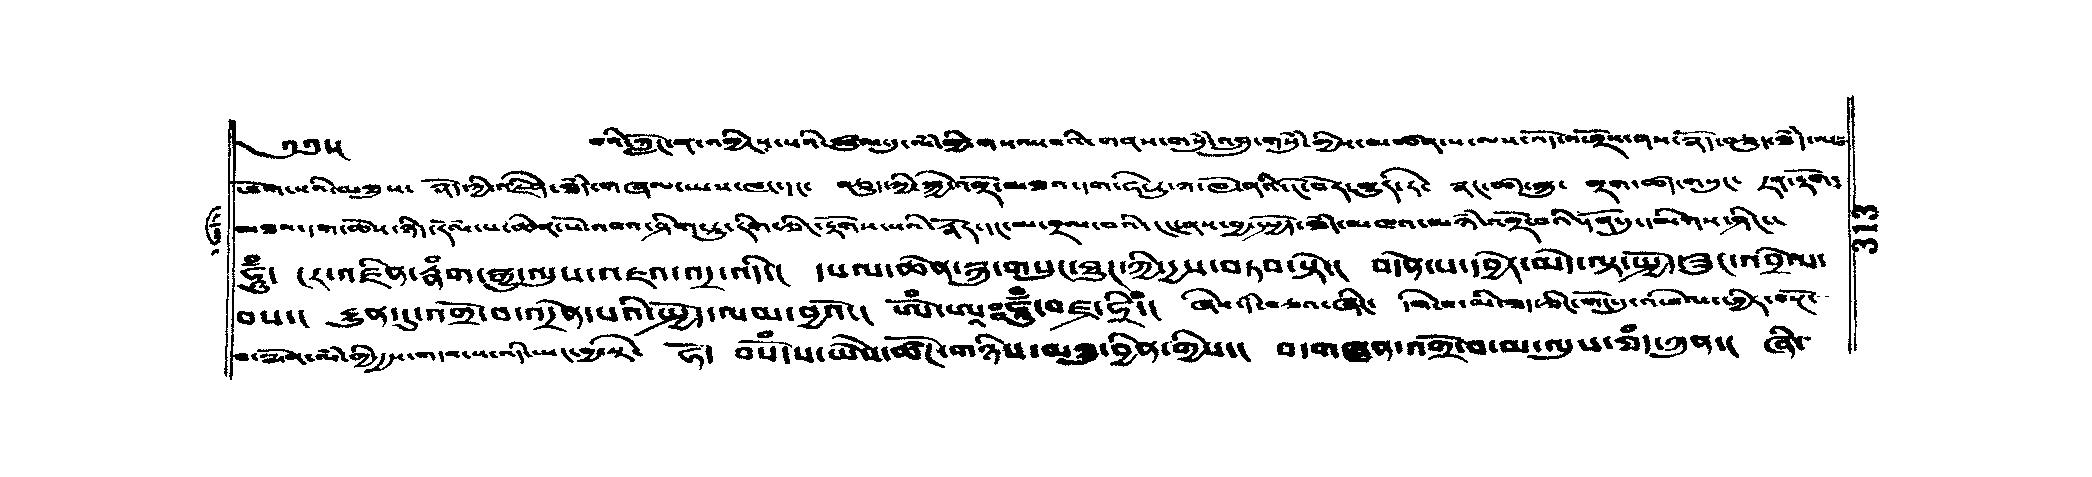བའི་ཀློང་ན་འགྱིངས་པའི་ཚུལ་དུ་ལམ་གྱི་གསལ་བའི་གནས་གསུམ་འབྲུ་གསུམ་གྱིས་མཚན་པ་ལས་འོད་འཕྲོས་ནས་སྣོད་བཅུད་ཐམས་ཅད་ལ་
ཕོག་པའི་མཐུས། སྣོད་བཅུད་ཀྱི་འཇིག་རྟེན་ཐམས་ཅད་གཞལ་ཡས་ཁང་དང་། བཅུད་ཀྱི་སྐྱེ་འགྲོ་མཐའ་དག་ཧེ་རུ་ཀ་ཁོ་ནའི་ངོ་བོར་གྱུར་ཏེ། སྣང་ཚད་སྐུ། གྲགས་ཚད་གསུང་། དྲན་རྟོག་
མཐའ་དག་ཆོས་ཉིད་རོལ་པ་ཆེན་པོ་འབའ་ཤིག་ཏུ་རིག་ཅིང་རྟོགས་པའི་རྣལ་འབྱོར་དང་མ་བྲལ་བའི་ངང་ནས་བྱ་སྤྱོད་ཐམས་ཅད་མཁའ་མཉམ་འགྲོ་བའི་དོན་དུ་དམིགས་ཤིང་།
ཧཱུྃ། ངར་འཛིན་རྣམ་དག་སྒྱུ་ལུས་འཇའ་འདྲ་འདི། །དཔལ་ཆེན་སྐུ་གསུང་ཐུགས་ཀྱི་རྒྱས་བཏབ་སྟེ། །བདེན་པ་དབྱེར་མེད་ལྟ་སྤྱོད་ཟུང་འབྲེལ་
བས། །རྒྱུན་དུ་འགྲོ་བ་འདྲེན་པའི་སྤྱོད་ལམ་བྱའོ། །ཨོཾ་ཨཱཿཧཱུྃ་བཛྲ་ཧྲིཾ། ཞེས་དམ་བཅའ་ཞིང་། དགེ་བ་ཟད་ཅིང་གོང་དུ་འཕེལ་ཕྱིར་བསྔོ་
བ་སྨོན་ལམ་གྱི་རྒྱས་གདབ་པ་འདི་ཡང་བྱ་སྟེ། ཧོ། བསོད་ནམས་ཡེ་ཤེས་ཚོགས་གཉིས་མཐུ་བྱིན་གྱིས། །བདག་གཞན་འགྲོ་བ་མ་ལུས་ཐམས་ཅད་ཀུན། །ཞི་